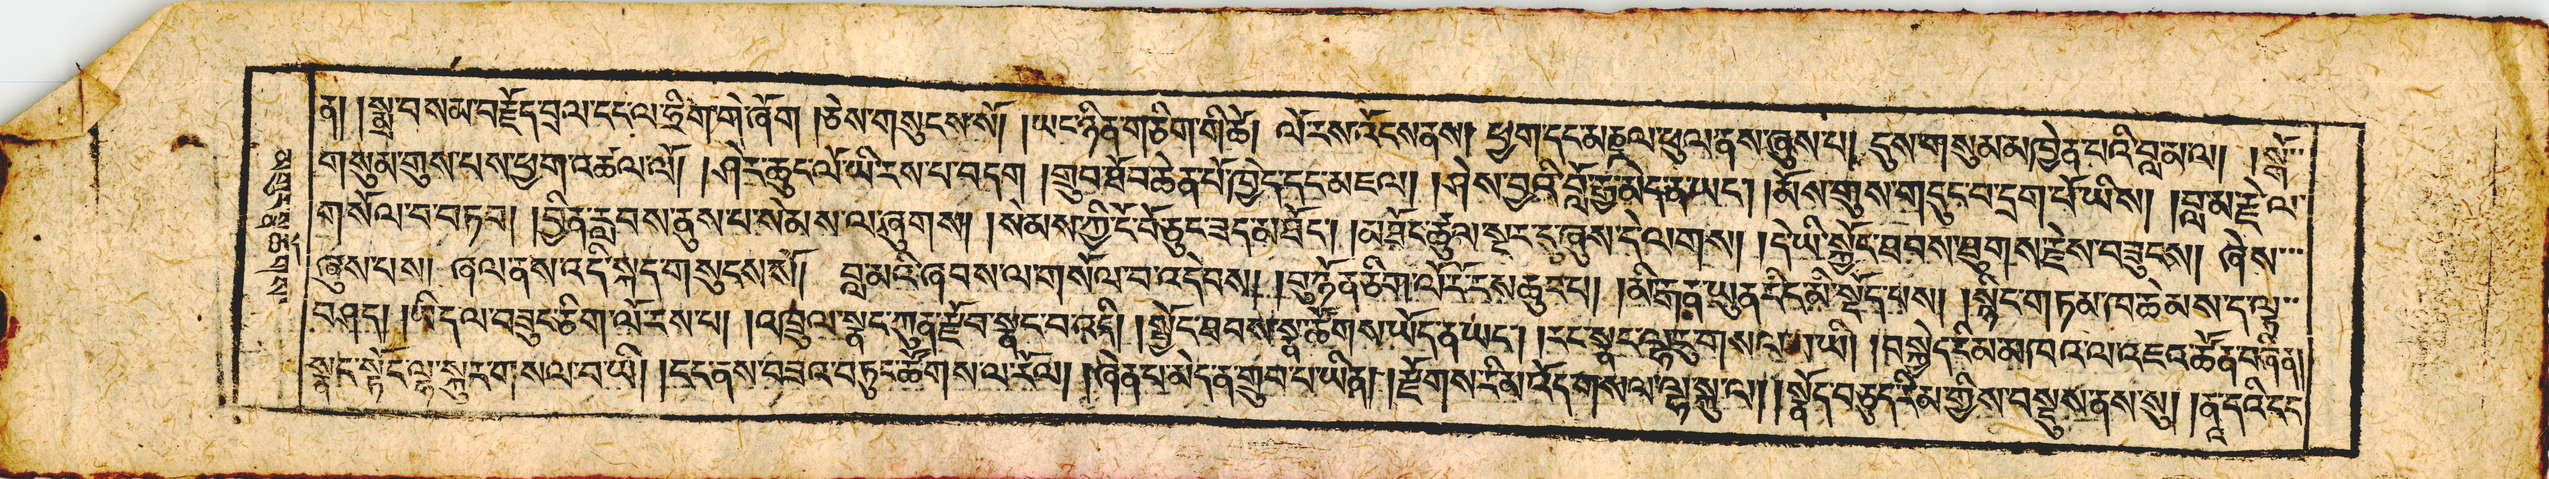ན། །སྨྲ་བསམ་བརྗོད་བྲལ་ངང་ལ་ཧྲིག་གེ་ཞོག །ཅེས་གསུངས་སོ། །ཡང་ཉིན་གཅིག་གི་ཚེ། ལོ་རས་འོངས་ནས། ཕྱག་དང་མཎྜལ་ཕུལ་ནས་ཞུས་པ། དུས་གསུམ་མཁྱེན་པའི་བླ་མ་ལ། །སྒོ་
གསུམ་གུས་པས་ཕྱག་འཚལ་ལོ། །ཤེར་ཆུང་ལོ་ཡི་རས་པ་བདག །གྲུབ་ཐོབ་ཆེན་པོ་ཁྱེད་དང་མཇལ། །ཤེས་བྱའི་བློ་རྒྱ་མེད་ན་ཡང་། །མོས་གུས་གདུང་བ་དྲག་པོ་ཡིས། །བླ་མ་རྗེ་ལ་
གསོལ་བ་བཏབ། །བྱིན་རླབས་ནུས་པ་སེམས་ལ་ཞུགས། །སེམས་ཀྱི་ངོ་བོ་ཅུང་ཟད་མཐོང་། །མཐོང་ཚུལ་སྔར་དུ་ཞུས་དེ་ལགས། །དེ་ཡི་སྐྱོང་ཐབས་ཐུགས་རྗེས་བཟུངས། ཞེས་་་
ཞུས་པས། ཞལ་ནས་འདི་སྐད་གསུངས་སོ། །བླ་མའི་ཞབས་ལ་གསོལ་བ་འདེབས། །བུ་ཉོན་ཅིག་ལོ་རོ་རས་ཆུང་པ། །མི་རྒན་ཡུན་རིང་མི་སྡོད་པས། །།སྙིང་གཏམ་ཁ་ཆེམས་ད་ལྟ་
བཤད། །ཉིདལ་བཟུང་ཅིག་ལོ་རས་པ། །འཁྲུལ་སྣང་ཀུན་རྫོབ་སྣང་བའདི། །སྦྱོང་ཐབས་སྣ་ཚོགས་ཡོད་ན་ཡང་། །རང་སྣང་ལྷ་ངུགསཔ་་ཡ། །བསྐྱེད་རིམམཁའ་ལ་འཇའ་ཚོན་བཞིན། །
སྣང་སྟོང་ལྷ་སྐུར་གསལ་བ་ཡི། །ངང་ནས་བཟའ་བཏུང་ཚོགས་ལ་རོལ། །ཞེན་པ་མེད་ན་གྲུབ་པ་ཡིན། །རྫོགས་རིམ་འོད་གསལ་ལྷ་སྐུ་ལ། །སྣོད་བཅུད་རིམ་གྱིས་བསྡུས་ནས་སུ། །ནཱ་དའི་ངང་